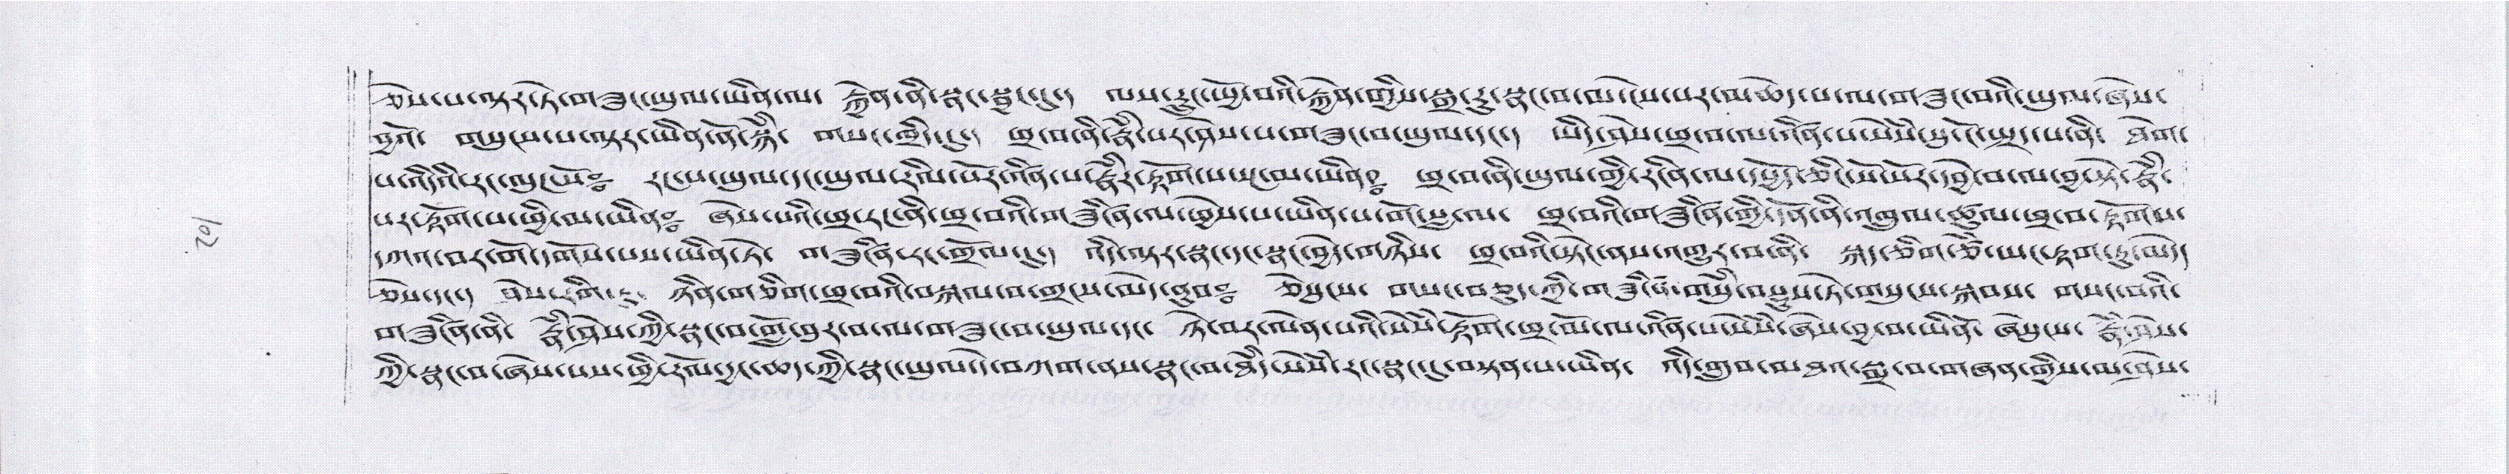ཅེས་པ་ལྟར་ཏེ་གཟུང་ཡུལ་ཡིན་ལ། རྐྱེན་ནི་སྣང་སྦྱོང་དུ་ལས་རླུང་གཡོ་བའི་རྐྱེན་གྱིས་སྒྲ་རུ་སྣང་བ་མ་ངེས་པར་མཆེད་པ་ལ་གཟུང་བའི་ཡུལ་ཞེས་
བྱའོ། གསུངས་པ་ལྟར་ཡིན་ནོ་སྙམ། གསང་ཁྲིད་དུ། ཕྲ་བཞི་རྣམ་པར་ཤེས་པ་གཟུང་བ་ཡུལ་དང་། ཡིད་ཤེས་ཕྲ་བ་ལ་འཛིན་པ་སེམས་སུ་ངོ་སྤྲད་པ་ནི་ཐེག་
པ་འདིའི་རང་ལུགས་སོ། རགས་པ་ཡུལ་དང་ཡུལ་ཧྲིལ་པོར་འཛིན་པ་རྣམ་པ་རྟོག་པ་སྔ་མ་ཡིནཿ ཕྲ་བ་ནི་ཡུལ་གྱི་རང་བཞིན་ལ་དཔྱོད་ཅིང་སོ་སོར་དབྱེ་བ་ལ་བྱ་སྟེ་རྣམ་
པར་རྟོག་པ་ཕྱི་མ་ཡིནཿ ཞེས་པའི་ཕྲ་རགས་ནི་ཕྲ་བའི་གཟུང་འཛིན་ལ་ཕྱེས་པ་ཡིན་པ་གོ་སླ་ལ། ཕྲ་བ་འི་གཟུང་འཛིན་གྱི་དོན་ནི་འཁྲུལ་ཚུལ་ཕྲ་བ་རྟོགས་
དཀའ་བར་གོ་དགོས་པས་ཡིན་ཏེ། གཟུང་འཛིན་རང་གྲོལ་དུ། འདི་ལྟར་སྣང་དང་སྣང་བྱེད་གཉིས། ཕྲ་བའི་སྟེང་ནས་འགྱུར་བ་ནི། སྐད་ཅིག་ཙམ་ཡང་རྟག་ཏུ་མེད། 
ཅེས་དང་། ཤེས་རིག་ཏུ། ཉིན་གཅིག་ཕྲ་བའི་སྐལ་པ་གྲངས་མེད་ནུབཿ ཅེས་གསུངས། གསང་བཅུད་ཀྱི་གཟུང་འཛིན་གསུམ་བསྡུས་ཏེ་གསུངས་སྐབས། གསང་བའི་
གཟུང་འཛིན་ནི། རྣམ་ཤེས་ཀྱི་སྣང་བ་གློ་བུར་བ་ལ་གཟུང་བ་ཡུལ་དང་། ཉེ་བར་ལེན་པའི་སེམས་རྟོག་ཕྲ་མོ་ལ་འཛིན་པ་སེམས་ཞེས་བྱ་བ་ཡིན་ནོ། ཞེས་གསུངས། རྣམ་ཤེས་
ཀྱི་སྣང་བ་ཞེས་པས་ཕྱི་རོལ་རྒྱང་ཆད་ཀྱི་སྣང་ཡུལ་དེ་བཀག་ནས་སྣང་བ་ཐམས་ཅད་སེམས་རང་སྣང་དུ་བསྟན་པ་ཡིན། འདི་གྲུབ་མཐའ་སྨྲ་བ་གཞན་གྱིས་མ་ཤེས་